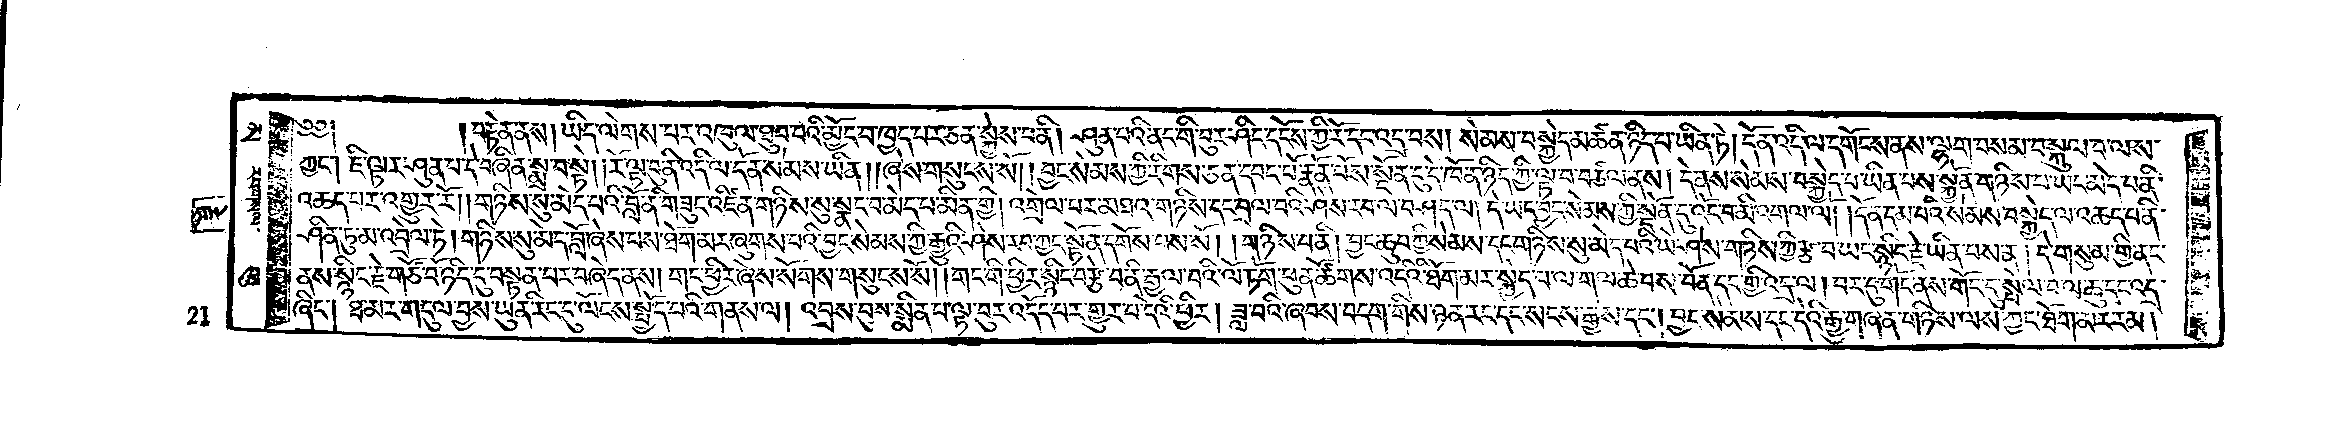༄༅། །བརྟེན་ནས། ཡིད་ལེགས་པར་འཁུལ་ཐུབ་པའི་མྱོང་བ་ཁྱད་པར་ཅན་སྐྱེས་པ་ནི། ཤུན་པའི་ནང་གི་བུར་ཤིང་དངོས་ཀྱི་རོ་དང་འདྲ་བས། སེམས་བསྐྱེད་མཚན་ཉིད་པ་ཡིན་ཏེ། དོན་འདི་ལ་དགོངས་ནས་ལྷག་བསམ་བསྐུལ་བ་ལས་
ཀྱང་། ཇི་ལྟར་ཤུན་པ་དེ་བཞིན་སྨྲ་བ་སྟེ། །རོ་ལྟ་བུ་ནི་འདི་ལ་དོན་སེམས་ཡིན། །ཞེས་གསུངས་སོ། །བྱང་སེམས་ཀྱི་རིགས་ཅན་དབང་པོ་རྣོན་པོས་སྔོན་དུ་དེ་ཁོ་ན་ཉིད་ཀྱི་ལྟ་བ་བཙལ་ནས། དེ་ནས་སེམས་བསྐྱེད་པ་ཡིན་པས་སྐྱོན་གཉིས་པ་ཡང་མེད་པ་ནི་
འཆད་པར་འགྱུར་རོ། །གཉིས་སུ་མེད་པའི་བློ་ནི་གཟུང་འཛིན་གཉིས་སུ་སྣང་བ་མེད་པ་མིན་གྱི། འགྲེལ་པར་མཐའ་གཉིས་དང་བྲལ་བའི་ཤེས་རབ་ལ་བཤད་ལ། དེ་ཡང་བྱང་སེམས་ཀྱི་སྔོན་དུ་འོང་བ་མི་འགལ་ལོ། །དོན་དམ་པའི་སེམས་བསྐྱེད་ལ་འཆད་པ་ནི་
ཤིན་ཏུ་མ་འབྲེལ་ཏེ། གཉིས་སུ་མེད་བློ་ཞེས་པས་ཐོག་མར་ཞུགས་པའི་བྱང་སེམས་ཀྱི་རྒྱུའི་ཤེས་རབ་ཀྱང་སྟོན་དགོས་པས་སོ། །གཉིས་པ་ནི། བྱང་ཆུབ་ཀྱི་སེམས་དང་གཉིས་སུ་མེད་པའི་ཡེ་ཤེས་གཉིས་ཀྱི་རྩ་བ་ཡང་སྙིང་རྗེ་ཡིན་པས་ན། དེ་གསུམ་གྱི་ནང་
ནས་སྙིང་རྗེ་གཙོ་བོ་ཉིད་དུ་བསྟན་པར་བཞེད་ནས། གང་ཕྱིར་ཞེས་སོགས་གསུངས་སོ། །གང་གི་ཕྱིར་སྙིང་བརྩེ་བ་ནི་རྒྱལ་བའི་ལོ་ཏོག་ཕུན་ཚོགས་འདིའི་ཐོག་མར་སྐྱེད་པ་ལ་གལ་ཆེ་བ་ས་བོན་དང་ནི་འདྲ་ལ། བར་དུ་གོང་ནས་གོང་དུ་སྤེལ་བ་ལ་ཆུ་དང་འདྲ་
ཞིང་། ཐ་མར་གདུལ་བྱས་ཡུན་རིང་དུ་ལོངས་སྤྱོད་པའི་གནས་ལ། འབྲས་བུས་སྨིན་པ་ལྟ་བུར་འདོད་པར་གྱུར་པ་དེའི་ཕྱིར། ཟླ་བའི་ཞབས་བདག་གིས་ཉན་རང་དང་སངས་རྒྱས་དང་། བྱང་སེམས་དང་དེའི་རྒྱུ་གཞན་གཉིས་ལས་ཀྱང་ཐོག་མར་རམ།